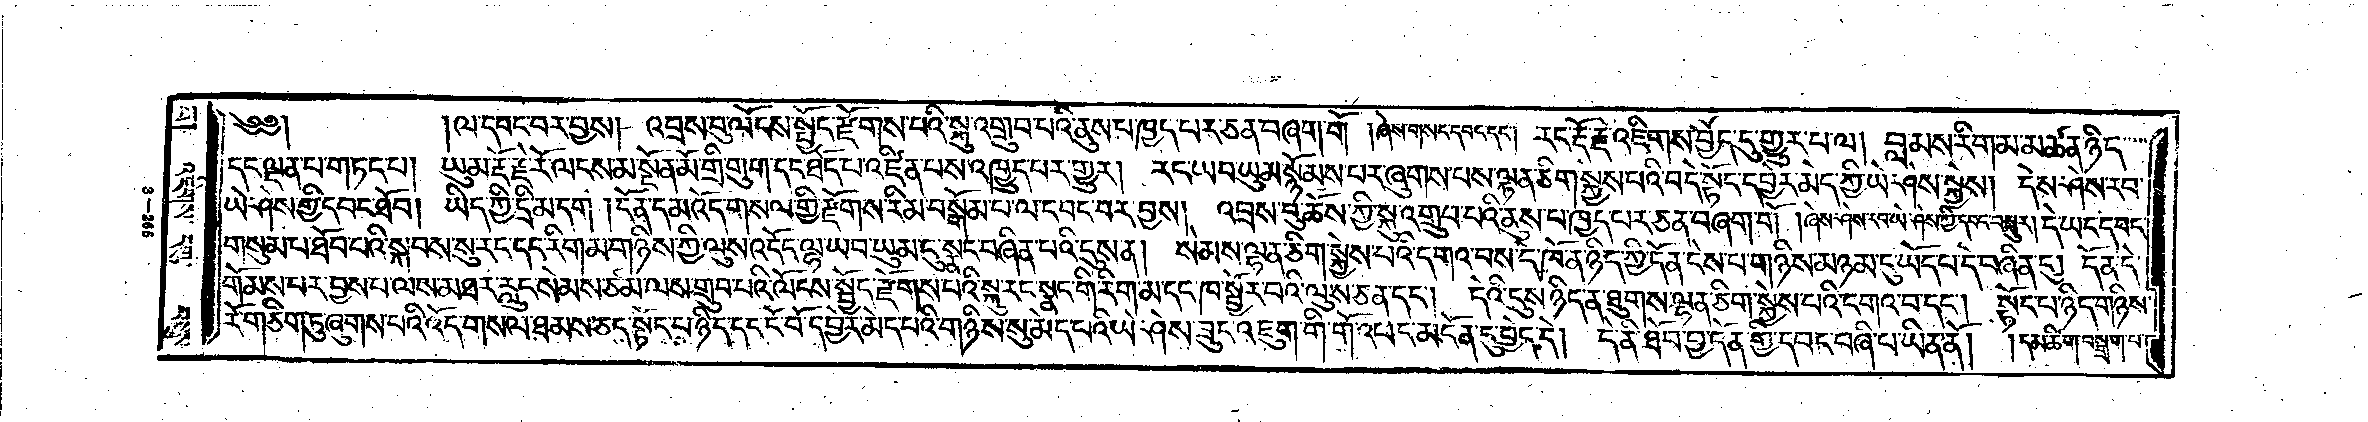༄༅། །ལ་དབང་བར་བྱས། འབྲས་བུ་ལོངས་སྤྱོད་རྫོགས་པའི་སྐུ་འགྲུབ་པའི་ནུས་པ་ཁྱད་པར་ཅན་བཞག་གོ་།ཞེས་གསང་དབང་དང་།  རང་རྡོ་རྗེ་འཇིགས་བྱེད་དུ་གྱུར་པ་ལ། བླ་མས་རིག་མ་མཚན་ཉིད་
དང་ལྡན་པ་གཏང་བ། ཡུམ་རྡོ་རྗེ་རོ་ལངས་མ་སྔོན་མོ་གྲི་གུག་དང་ཐོད་པ་འཛིན་པས་འཁྱུད་པར་གྱུར། རང་ཡབ་ཡུམ་སྙོམས་པར་ཞུགས་པས་ལྷན་ཅིག་སྐྱས་པའི་བདེ་སྟོང་དབྱེར་མེད་ཀྱི་ཡེ་ཤེས་སྐྱེས། དེས་ཤེས་རབ་
ཡེ་ཤེས་གྱི་དབང་ཐོབ། ཡིད་ཀྱི་དྲི་མ་དག །དོན་དམ་འོད་གསལ་གྱི་རྫོགས་རིམ་བསྒོམ་པ་ལ་དབང་བར་བྱས། འབྲས་བུ་ཆོས་ཀྱི་སྐུ་འགྲུབ་པའི་ནུས་པ་ཁྱད་པར་ཅན་བཞག་གོ་།ཞེས་ཤེས་རབ་ཡེ་ཤེས་ཀྱི་དབང་བསྐུར།  དེ་ཡང་དབང་
གསུམ་པ་ཐོབ་པའི་སྐབས་སུ་རང་དང་རིག་མ་གཉིས་ཀྱི་ལུས་འདོད་ལྷ་ཡབ་ཡུམ་དུ་སྣང་བཞིན་པའི་དུས་ན། སེམས་ལྷན་ཅིག་སྐྱེས་པའི་དགའ་བས་དེ་ཁོ་ན་ཉིད་ཀྱི་དོན་ངེས་པ་གཉིས་མཉམ་དུ་ཡོད་པ་དེ་བཞིན་དུ། དོན་དེ་
གོམས་པར་བྱས་པ་ལས་མཐར་རླུང་སེམས་ཙམ་ལས་གྲུབ་པའི་ལོངས་སྤྱོད་རྫོགས་པའི་སྐུ་རང་སྣང་གི་རིག་མ་དང་ཁ་སྦྱོར་བའི་ལུས་ཅན་དང་། དེའི་དུས་ཉིད་ན་ཐུགས་ལྷན་ཅིག་སྐྱེས་པའི་དགའ་བ་དང་། སྟོང་པ་ཉིད་གཉིས་
རོ་གཅིག་ཏུ་ཞུགས་པའི་འོད་གསལ་ཐམས་ཅད་སྟོང་པ་ཉིད་དང་ངོ་བོ་དབྱེར་མེད་པའི་གཉིས་སུ་མེད་པའི་ཡེ་ཤེས་ཟུང་འཇུག་གི་གོ་འཕང་མངོན་དུ་བྱེད་དེ། དེ་ནི་ཐོབ་བྱ་དོན་གྱི་དབང་བཞི་པ་ཡིན་ནོ། །དམ་ཚིག་བསྐྲག་པ།